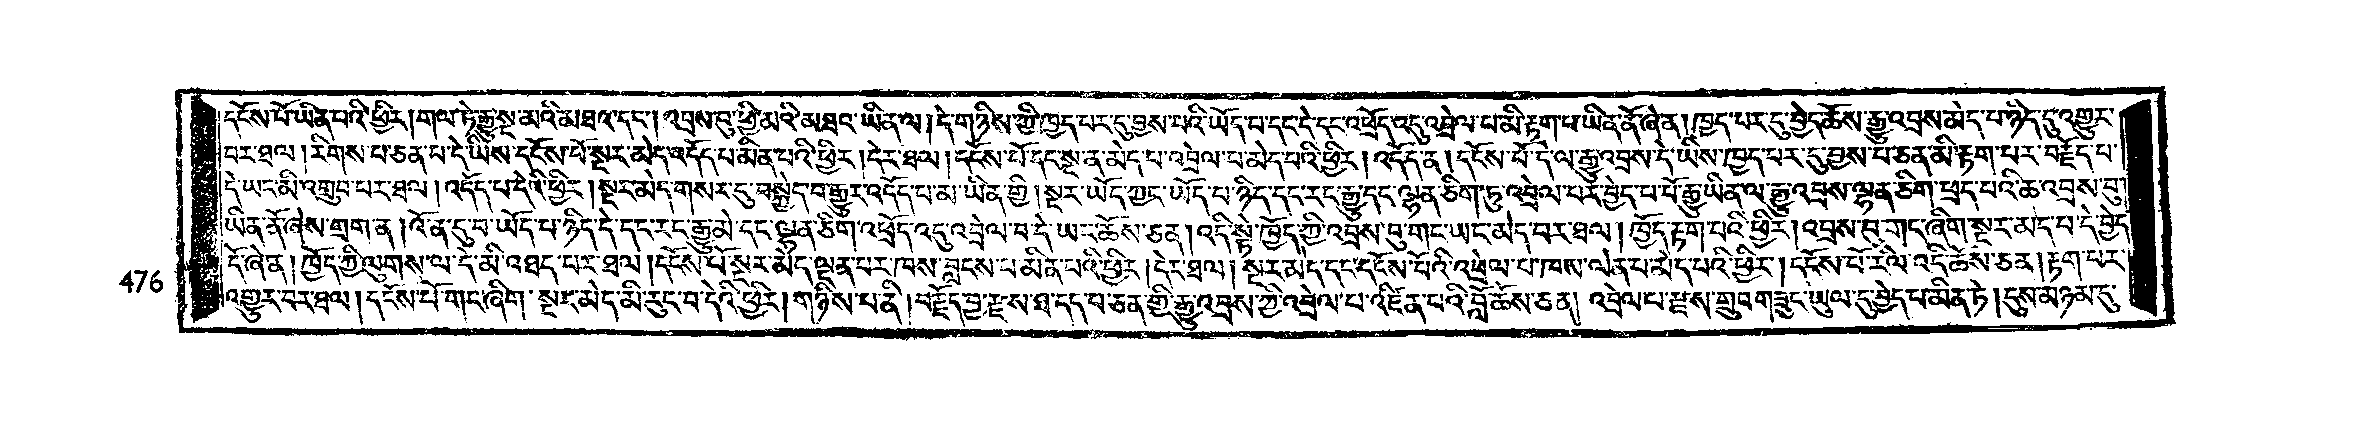དངོས་པོ་ཡིན་པའི་ཕྱིར། གལ་ཏེ་རྒྱུ་སྔ་མའི་མཐའ་དང་། འབྲས་བུ་ཕྱི་མའི་མཐའ་ཡིན་ལ། དེ་གཉིས་ཀྱི་ཁྱད་པར་དུ་བྱས་པའི་ཡོད་པ་དང་དེ་དང་འཕྲོད་འདུ་འབྲེལ་པ་མི་རྟག་པ་ཡིན་ནོ་ཞེ་ན། ཁྱད་པར་དུ་བྱེད་ཆོས་རྒྱུ་འབྲས་མེད་པ་ཉིད་དུ་འགྱུར་
པར་ཐལ། རིགས་པ་ཅན་པ་དེ་ཡིས་དངོས་པོ་སྔར་མེད་འདོད་པ་མིན་པའི་ཕྱིར། དེར་ཐལ། དངོས་པོ་དར་སྔ་ན་མེད་པ་འབྲེལ་པ་མེད་པའི་ཕྱིར། འདོད་ན། དངོས་པོ་དེ་ལ་རྒྱུ་འབྲས་དེ་ཡིས་ཁྱད་པར་དུ་བྱས་པ་ཅན་མི་རྟག་པར་བརྗོད་པ་
དེ་ཡང་མི་འགྲུབ་པར་ཐལ། འདོད་པ་དེའི་ཕྱིར། སྔར་མེད་གསར་དུ་བསྐྱེད་བ་རྒྱུར་འདོད་པ་མ་ཡིན་གྱི། སྔར་ཡོད་ཀྱང་ཡོད་པ་ཉིད་དང་རང་རྒྱུ་དང་ལྷན་ཅིག་ཏུ་འབྲེལ་པར་བྱེད་པ་པོ་རྒྱུ་ཡིན་ལ་རྒྱུ་འབྲས་ལྷན་ཅིག་ཕྲད་པའི་ཆ་འབྲས་བུ་
ཡིན་ནོ་ཞེས་གྲག་ན། འོ་ན་དུ་བ་ཡོད་པ་ཉིད་དེ་དང་རང་རྒྱུ་མེ་དང་ལྷན་ཅིག་འཕྲོད་འདུ་འབྲེལ་བ་དེ་ཡང་ཆོས་ཅན། འདི་སྟེ་ཁྱོད་ཀྱི་འབྲས་བུ་གང་ཡང་མེད་པར་ཐལ། ཁྱོད་རྟག་པའི་ཕྱིར། འབྲས་བུ་གང་ཞིག་སྔར་མད་པ་དེ་བྱེད་
དོ་ཞེ་ན། ཁྱོད་ཀྱི་ལུགས་ལ་དེ་མི་འཐད་པར་ཐལ། དངོས་པོ་སྔར་མེད་ལྡན་པར་ཁས་བླངས་པ་མིན་པའི་ཕྱིར། དེར་ཐལ། སྔར་མེད་དང་དངོས་པོའི་འཕྲེལ་པ་ཁས་ལེན་པ་མེད་པའི་ཕྱིར། དངོས་པོ་རིལ་འདི་ཆོས་ཅན། རྟག་པར་
འགྱུར་བར་ཐལ། དངོས་པོ་གང་ཞིག་སྔར་མེད་མི་རུང་བ་དེའི་ཕྱིར། གཉིས་པ་ནི། བརྗོད་བྱ་རྫས་ཐ་དད་པ་ཅན་གྱི་རྒྱུ་འབྲས་ཀྱི་འབྲེལ་པ་འཛིན་པའི་བློ་ཆོས་ཅན། འབྲེལ་པ་རྫས་གྲུབ་གཟུང་ཡུལ་དུ་བྱེད་པ་མིན་ཏེ། དུས་མཉམ་དུ་